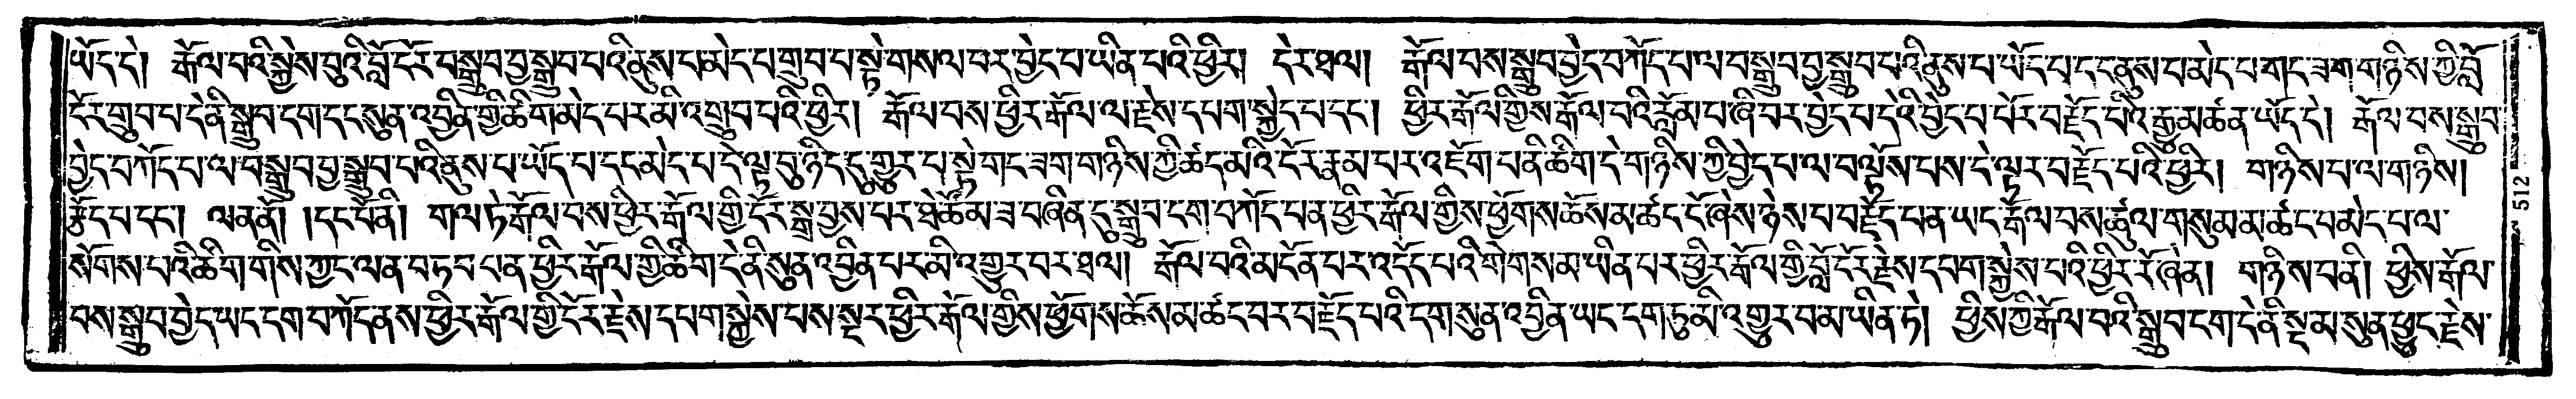ཡོད་དེ། རྒོལ་བའི་སྐྱེས་བུའི་བློ་ངོར་བསྒྲུབ་བྱ་སྒྲུབ་པའི་ནུས་པ་མེད་པ་གྲུབ་པ་སྟེ་གསལ་བར་བྱེད་པ་ཡིན་པའི་ཕྱིར། དེར་ཐལ། རྒོལ་བས་སྒྲུབ་བྱེད་བཀོད་པ་ལ་བསྒྲུབ་བྱ་སྒྲུབ་པའི་ནུས་པ་ཡོད་པ་དང་ནུས་པ་མེད་པ་གང་ཟག་གཉིས་ཀྱི་བློ་
ངོར་གྲུབ་པ་དེ་ནི་སྒྲུབ་དག་དང་སུན་འབྱིན་གྱི་ཚིག་མེད་པར་མི་འགྲུབ་པའི་ཕྱིར། རྒོལ་བས་ཕྱིར་རྒོལ་ལ་རྗེས་དཔག་སྐྱེད་པ་དང་། ཕྱིར་རྒོལ་གྱིས་རྒོལ་བའི་རློམ་པ་ཞི་བར་བྱེད་པ་དེའི་བྱེད་བ་པོར་བརྗོད་པའི་རྒྱུ་མཚན་ཡོད་དེ། རྒོལ་བས་སྒྲུབ་
བྱེད་བཀོད་པ་ལ་བསྒྲུབ་བྱ་སྒྲུབ་པའི་ནུས་པ་ཡོད་པ་དང་མེད་པ་དེ་ལྟ་བུ་ཉིད་དུ་གྱུར་པ་སྟེ་གང་ཟག་གཉིས་ཀྱི་ཚད་མའི་ངོར་རྣམ་པར་འཇོག་པ་ནི་ཚིག་དེ་གཉིས་ཀྱི་བྱེད་པ་ལ་བལྟོས་པས་དེ་ལྟར་བརྗོད་པའི་ཕྱིར། གཉིས་པ་ལ་གཉིས།
རྩོད་པ་དང་། ལན་ནོ། །དང་པོ་ནི། གལ་ཏེ་རྒོལ་བས་ཕྱིར་རྒོལ་གྱི་ངོར་སྒྲ་བྱས་པར་ཐེ་ཚོམ་ཟ་བཞིན་དུ་སྒྲུབ་དག་བཀོད་པ་ན་ཕྱིར་རྒོལ་གྱིས་ཕྱོགས་ཆོས་མཚང་ངོ་ཞེས་ཉེས་པ་བརྗོད་པ་ན་ཡང་རྒོལ་བས་ཚུལ་གསུམ་མ་ཚང་པ་མེད་པ་ལ་
སོགས་པའི་ཚིག་གིས་ཀྱང་ལན་བཏབ་པ་ན་ཕྱིར་རྒོལ་གྱི་ཚིག་དེ་ནི་སུན་འབྱིན་པར་མི་འགྱུར་བར་ཐལ། རྒོལ་བའི་མངོན་པར་འདོད་པའི་གེགས་མ་ཡིན་པར་ཕྱིར་རྒོལ་གྱི་བློ་དོར་རྗེས་དཔག་སྐྱེས་པའི་ཕྱིར་རོ་ཞེ་ན། གཉིས་བ་ནི། ཕྱིས་རྒོལ་
བས་སྒྲུབ་བྱེད་ཡང་དག་བཀོད་ནས་ཕྱིར་རྒོལ་གྱི་ངོར་རྗེས་དཔག་སྐྱེས་པས་སྔར་ཕྱིར་རྒོལ་གྱིས་ཕྱོགས་ཆོས་མ་ཚང་བར་བརྗོད་པའི་དག་སུན་འབྱིན་ཡང་དག་ཏུ་མི་འགྱུར་བ་མ་ཡིན་ཏེ། ཕྱིས་ཀྱི་རྒོལ་བའི་སྒྲུབ་ངག་དེ་ནི་སྔ་མ་སུན་ཕྱུང་རྗེས་